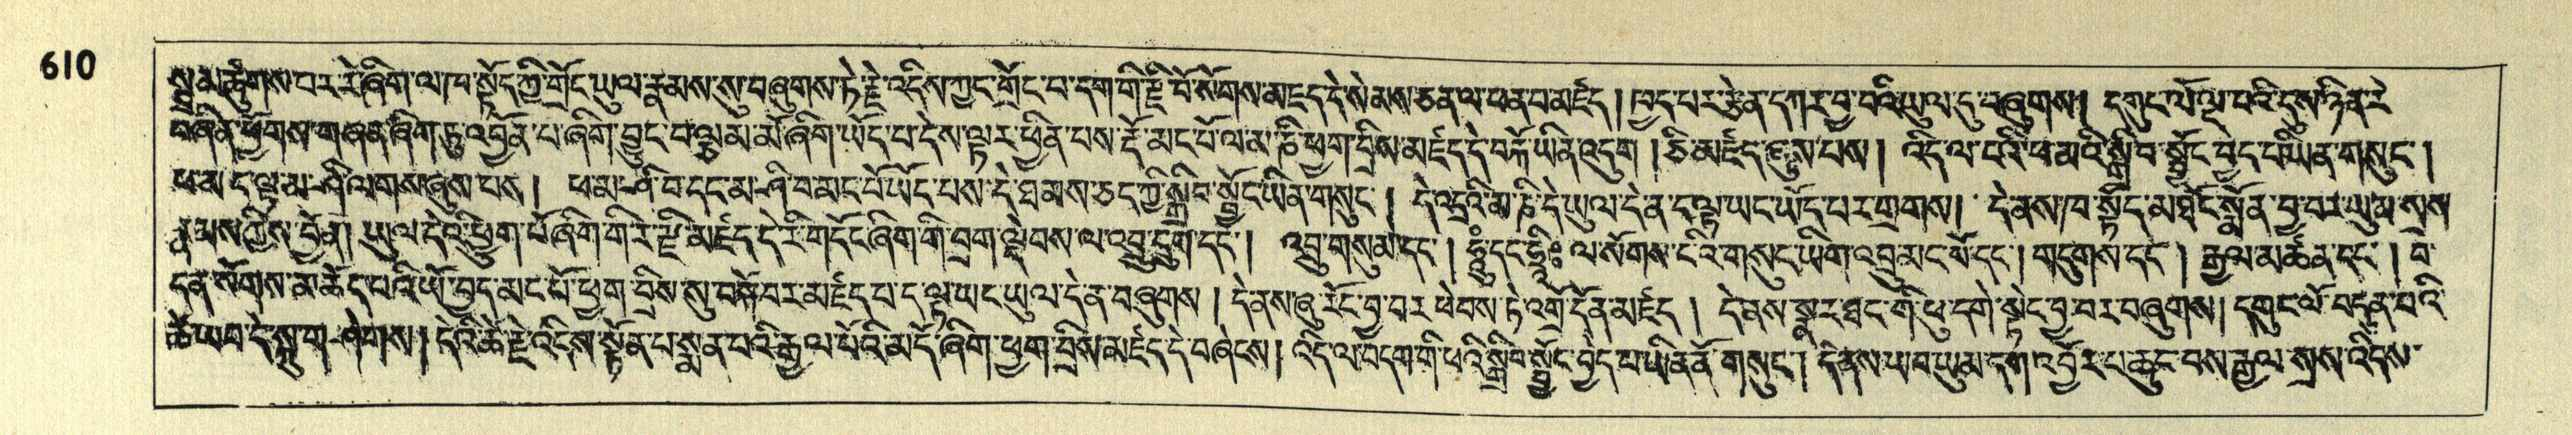སྦྲམ་ཚུགས་བར་རེ་ཞིག་ལ་ཁ་སྟོད་ཀྱི་གྲོང་ཡུལ་རྣམས་སུ་བཞུགས་ཏེ་རྗེ་འདིས་ཀྱང་གྲོང་བ་དག་གི་རྫི་བོ་སོགས་མཇད་དེ་སེམས་ཅན་ལ་ཕན་པ་མཛད། ཁྱད་པར་རྩེན་དཀར་བྱ་བའི་ཡུལ་དུ་བཞུགས། དགུང་ལོ་ལྔ་བའི་དུས་ཉིན་རེ་
བཞིན་ཕྱོགས་གཞན་ཞིག་ཏུ་འབྱོན་པ་ཞིག་བྱུང་བ་ལྕམ་མོ་ཞིག་ཡོད་པ་དེས་ལྟར་ཕྱིན་པས་རྡོ་མང་པོ་ལ་མ་ཎི་ཕྱག་བྲིས་མཛད་དེ་བརྐོ་ཡིན་འདུག །ཅི་མཛད་ཞུས་པས། འདི་ལ་ངའི་ཕ་མའི་སྒྲིབ་སྦྱོང་བྱེད་པ་ཡིན་གསུང་།
ཕ་མང་ལྟ་མ་ཤི་ལགས་ཞུས་པས། ཕ་མ་ཤི་བ་དང་མ་ཤི་བ་མང་པོ་ཡོད་པས་དེ་ཐམས་ཅད་ཀྱི་སྒྲིབ་སྦྱོང་ཡིན་གསུང་། དེ་འདྲའི་མ་ཎི་དེ་ཡུལ་དེ་ན་ད་ལྟ་ཡང་ཡོད་པར་གྲགས། དེ་ནས་ཁ་སྟོད་མཐོང་སྨོན་བྱ་བར་ཡུམ་སྲས་
རྣམས་ཀྱི་བྱོན། ཡུལ་དེའི་ཕྱུག་པོ་ཞིག་གི་ར་རྫི་མཛད་དེ་རི་གདོང་ཞིག་གི་བྲག་ལྡེབས་ལ་འབྲུ་དྲུག་དང་། འབྲུ་གསུམ་དང་། ཧཱུཾ་དང་ཧྲཱིཿ ལ་སོགས་པའི་གསུང་ཡིག་འབྲུ་མང་པོ་དང་། གདུགས་དང་། རྒྱལ་མཚན་དང་། བ་
དན་སོགས་མཆོད་པའི་ཡོ་བྱད་མང་པོ་ཕྱག་བྲིས་སུ་བསྐོ་བར་མཛད་པ་ད་ལྟ་ཡང་ཡུལ་དེ་ན་བཞུགས་།དེ་ནས་ཞུ་རོང་བྱ་བར་ཕེབས་ཏེ་འགྲོ་དོན་མཛད། དེ་ནས་སྣར་ཐང་གི་ཕུ་དགེ་སྟེང་བྱ་བར་བཞུགས། དགུང་ལོ་བདུན་པའི་
ཚེ་ཡབ་དེ་སྐུ་གཤེགས། དེའི་ཚེ་རྗེ་འདིས་སྟོན་པ་སྨན་པའི་རྒྱལ་པོའི་མདོ་ཞིག་ཕྱག་བྲིས་མཛད་དེ་བཞེངས། འདི་ལ་བདག་གི་ཕའི་སྒྲིབ་སྦྱོང་བྱེད་པ་ཡིན་ནོ་གསུང་། དེ་ནས་ཡབ་ཡུམ་དག་འབྱོར་པ་ཆུང་བས་རྒྱལ་སྲས་འདིས་